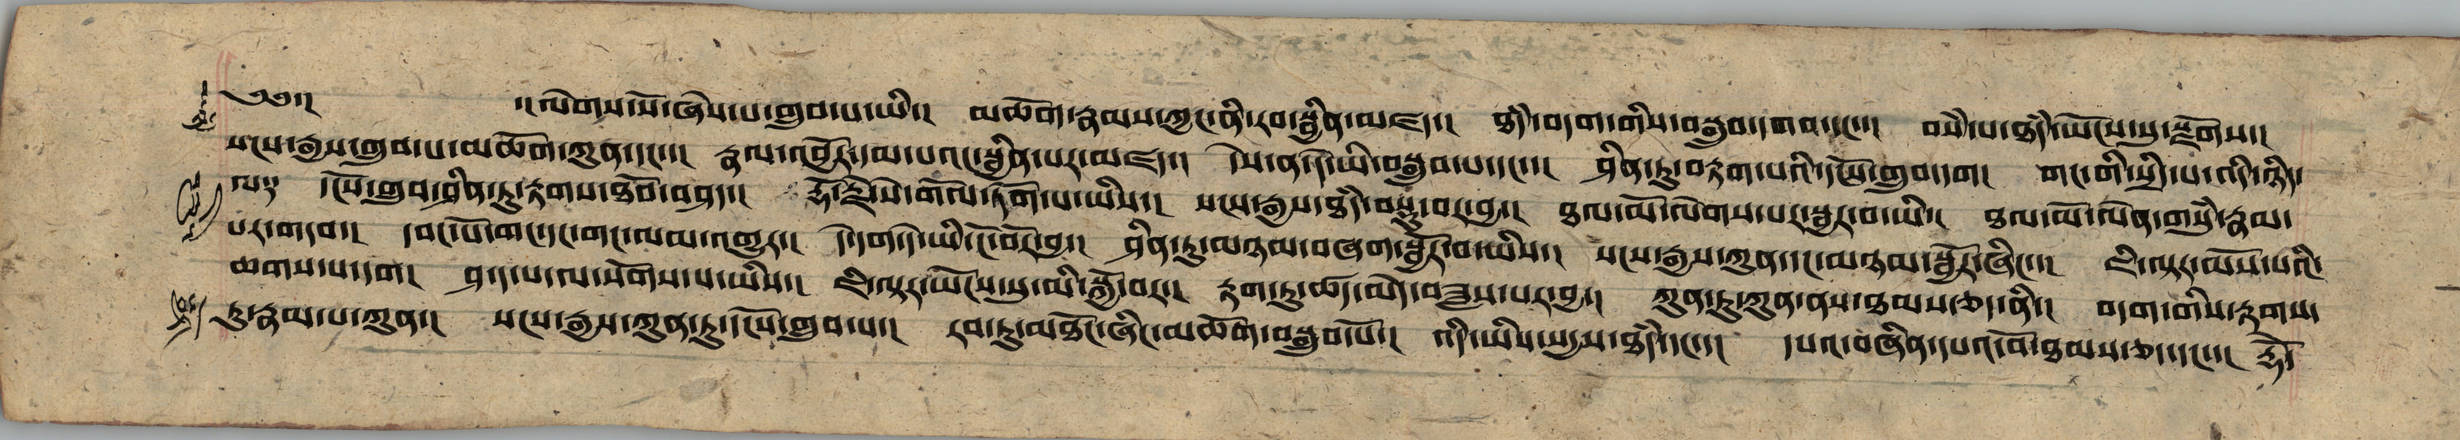༄༅་། ་།ལེགས་སོ་ཞེས་པ་གྲུབ་པ་ཡི་། མཆོག་རྣམས་ཀྱང་ནི་རབ་སྦྱིན་མཛད་། ཐཾད་བདག་གིས་བསྒྲུབ་དགའ་དང་་། བསཾ་པ་ཐཾད་ཡོངས་སུ་སྫོགས་།
སངས་རྒྱས་གྲུབ་པ་མཆོག་ཀུན་དང་་། རྣལ་འབྱོར་དམ་པའང་སྦྱིན་པར་མཛད་། དེས་ན་དེ་ཡི་བསྒྲུབ་པ་དང་་། ཤིན་ཏུ་བརྟག་པའི་དངོས་གྲུབ་དག། གང་གི་སྲིད་པ་འདི་ཉིད་
ལ༑ དངོས་གྲུབ་ཤིན་ཏུ་རྟགས་ཐོབ་བཤད་། རྡོ་རྗེ་སེ་གོལ་ཏོག་པ་ཡིས་། སངས་རྒྱས་ཐཾད་བསྡུ་བར་བྱ་། ཐལ་མོ་ལེགས་པར་སྦྱར་བ་ཡི་། ཐལ་མོ་ལེན་གསུཾ་རྣམ་
པར་གདབ་། དབང་པོ་གང་དང་གང་ལམ་འགྱུར་། དེ་དག་དེ་ཡི་ངོ་བོར་བྱ་། ཤིན་ཏུ་མཉམ་བཞག་སྦྱོར་བ་ཡིས་། སངས་རྒྱས་ཀུན་དང་མཉམ་སྦྱོར་ཞིང་་། ཇི་ལྟར་མོས་པའི་
ཆགས་པ་དག། ཤ་ད་པ་ལ་སོགས་པ་ཡིས་། ཇི་ལྟར་ཡོངས་སུ་མི་སྐྱོ་བར་། རྟག་ཏུ་ཚད་མེད་བཟླས་པར་བྱ་། ཀུན་ཏུ་ཀུན་ནས་ཐམས་ཅད་ནི་། བདག་གིས་རྟགས་
ཏུ་རྣམ་པ་ཀུན་། སངས་རྒྱས་ཀུན་ཏུ་དངོས་གྲུབ་པ་། རབ་ཏུ་མཐོང་ཞིང་མཆོག་བསྒྲུབ་པོ་། འདི་ཡིས་སདྱས་ཐཾད་དང་་། དཔའ་བཞིན་དཔའ་བོ་ཐམས་ཅད་དང་་། རྡོེ་